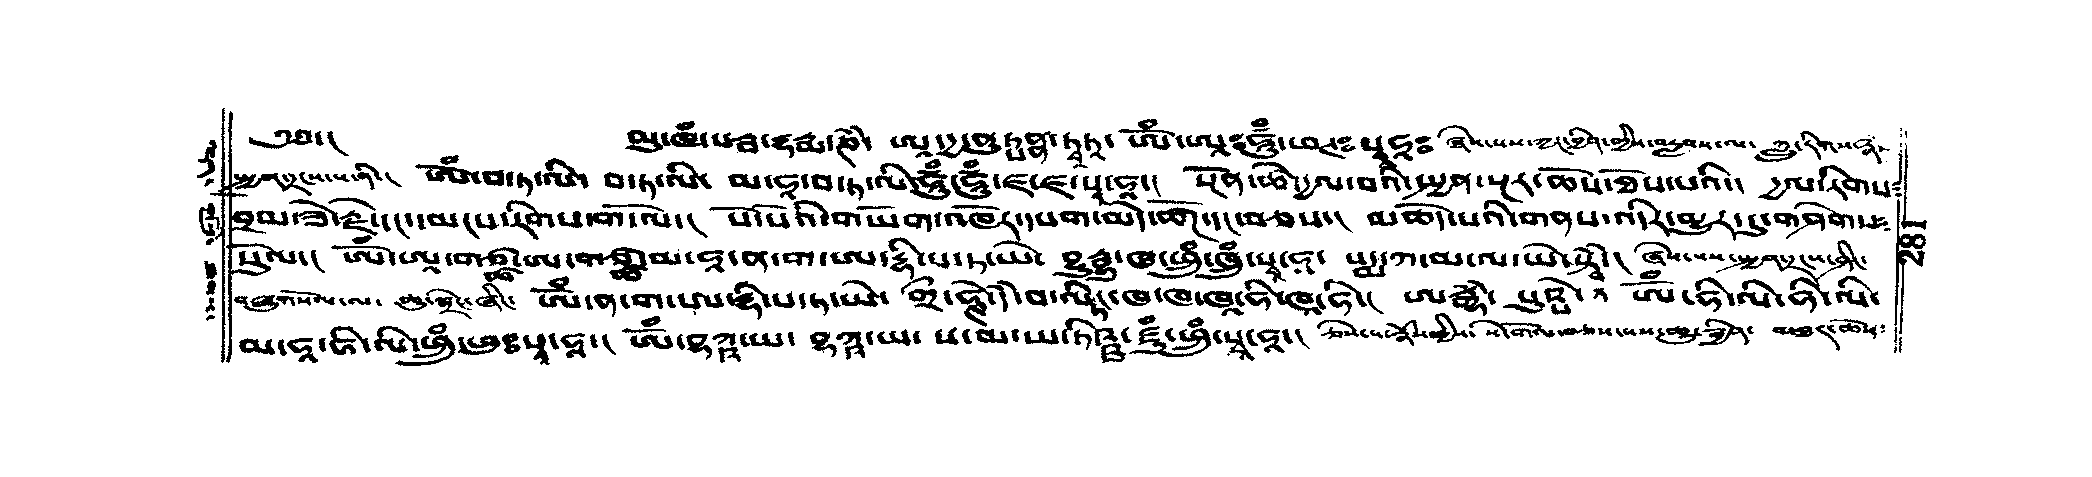མུ་ཁཾ་སརྦ་དྷརྨ་ཎཾ། ཨཱ་དྱ་ནུཏྤནྣ་ཏྭཱཏཱ། ཨོྃ་ཨཱ་ཧཱུྃ་ཕཊ་སྭཱ་ཧཱཿ ཞེས་པས་ཀྱང་བྱིན་གྱིས་བརླབ་ལ། ཀླུ་རིགས་རྣམས་
སྤྱན་དྲངས་པ་ནི། ཨོྃ་བ་ཏ་ལི། བ་ཏ་ལི། མ་ཧཱ་བ་ཏ་ལི་ཧཱུྃ་ཧཱུྃ་ཛ་ཛ་སྭཱ་ཧཱ། སྔོན་ཚེ་རྒྱལ་བའི་སྤྱན་སྔར་ཆོས་ཐོས་པའི། །རྒྱལ་རིགས་
བྲམ་ཟེ་རྗེ་དང་དམངས་རིགས་གདོལ། །སོ་སོའི་གཡོག་འཁོར་དཔག་མེད་ཚོགས་དང་བཅས། །མཆོད་པའི་གནས་འདིར་མྱུར་དུ་གཤེགས་
སུ་གསོལ། །ཨོྃ་ཨཱ་གཙྪ་མ་ཧཱ་ན་ག་ཨ་དྷི་པ་ཏ་ཡེ། གྲྀ་ཧྞེ་དཾ་བ་ལིངྟ་ཁ་ཁ་ཁཱ་ཧི་ཁཱ་ཧི། བྷུ་རྦྷུ་ཝ་ཕྲུཾ་ཁྲུཾ་སྭཱ་ཧཱ། པདྨ་ཀ་མ་ལ་ཡེ་སྟྭཾ། ཞེས་པས་སྤྱན་དྲངས་ཤིང་
བཞུགས་གསོལ་ལ། ཆུ་སྦྲེང་ཞིང་། ཨོྃ་ན་ག་ཨ་དྷི་པ་ཏ་ཡེ། གྲྀ་ཧྞེ་དཾ་བ་ལིངྟ་ཁ་ཁ་ཁཱ་ཧི་ཁཱ་ཧི། ཨརྒྷཾ། པུཥྤེ༴ ཨོྃ་ཧི་ལི་ཧི་ལི་
མ་ཧཱ་ཧི་ལི་ཕྲུཾ་ཕྲུཿསྭཱ་ཧཱ། ཨོྃ་བྷཀར་ཡ། བྷཀར་ཡ། ས་མ་ཡ་ཏིཥྠ་ཛུཾ་ཕྲུཾ་སྭཱ་ཧཱ། ཅེས་པ་རྣམས་ཀྱི་སེ་གོལ་བཅས་པས་ཆུ་སྦྱིན། མཐར་ཆོས་ཀྱི་